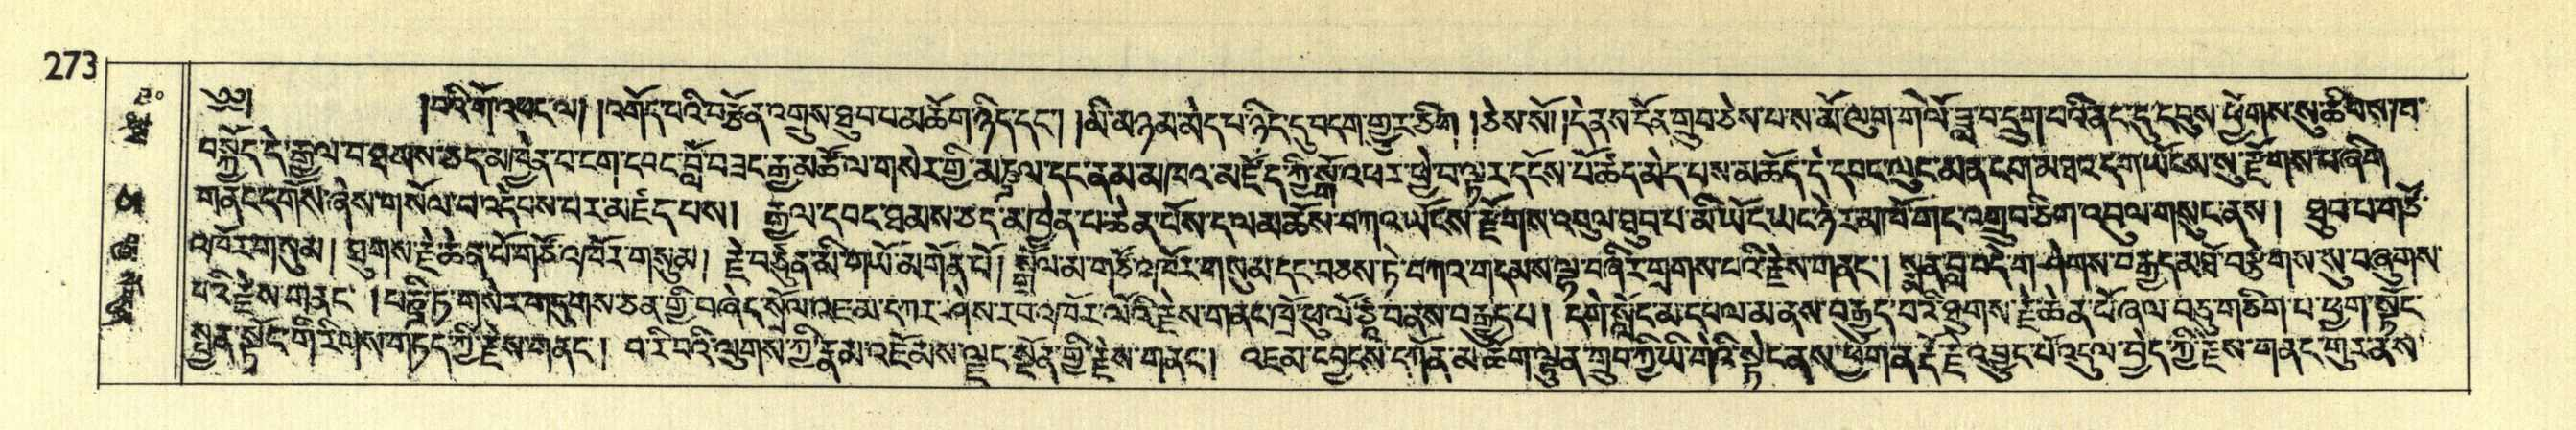༄༅། །བའི་གོ་འཕང་ལ། །འགོད་པའི་བརྩོན་འགྲུས་ཐུབ་པ་མཆོག་ཉིད་དང་། །མི་མཉམ་མེད་པ་ཉིད་དུ་བདག་གྱུར་ཅིག །ཅེས་སོ། །དེ་ནས་དོན་གྲུབ་ཅེས་པ་ས་མོ་ལུག་གེ་ལོ་ཟླ་བ་དྲུག་པའི་ནང་དུ་དབུས་ཕྱོགས་སུ་ཆིབས་ཁ་
བསྐྱོད་དེ་རྒྱལ་བ་ཐམས་ཅད་མཁྱེན་བ་ངག་དབང་བློ་བཟང་རྒྱ་མཚོ་ལ་གསེར་གྱི་མཎྜལ་དང་ནམ་མཁའ་མཛོད་ཀྱི་སྒོ་འཕར་ཕྱེ་བ་ལྟར་དངོས་པོ་ཚད་མེད་པས་མཆོད་དེ་དབང་ལུང་མན་ངག་མཐའ་དག་ཡོངས་སུ་རྫོགས་པ་ཞིག་
གནང་དགོས་ཞེས་གསོལ་བ་འདེབས་པར་མཛད་པས། རྒྱལ་དབང་ཐམས་ཅད་མཁྱེན་པ་ཆེན་པོས་ད་ལམ་ཆོས་བཀའ་ཡོངས་རྫོགས་འབུལ་ཐུབ་པ་མི་ཡོང་ཡང་ཉེར་མཁོ་གང་འགྲུབ་ཅིག་འབུལ་གསུང་ནས། ཐུབ་པ་གཙོ་
འཁོར་གསུམ། ཐུགས་རྗེ་ཆེན་པོ་གཙོ་འཁོར་གསུམ། རྗེ་བཙུན་མི་གཡོ་མགོན་པོ། སྒྲོལ་མ་གཙོ་འཁོར་གསུམ་དང་བཅས་ཏེ་བཀའ་གདམས་ལྷ་བཞིར་གྲགས་པའི་རྗེས་གནང་། སྨན་བླ་བདེ་གཤེགས་བརྒྱད་མཐོ་བརྩེགས་སུ་བཞུགས་
པའི་རྗེས་གནང་།པཎྜི་ཏ་གསེར་གདུགས་ཅན་གྱི་བཞེད་སྲོལ་འཇམ་དཀར་ཤེས་རབ་འཁོར་ལོའི་རྗེས་གནང་ཁྲོ་ཕུ་ལོ་ཙཱ་བ་ནས་བརྒྱུད་པ། དགེ་སློང་མ་དཔལ་མ་ནས་བརྒྱུད་བའི་ཐུགས་རྗེ་ཆེན་པོ་ཞལ་བཅུ་གཅིག་པ་ཕྱག་སྟོང་
སྤྱན་སྟོང་གི་རིགས་གཏད་ཀྱི་རྗེས་གནང་། བ་རི་བའི་ལུགས་ཀྱི་རྣམ་འཇོམས་ལྗང་སྔོན་གྱི་རྗེས་གནང་། འཇམ་དབྱངས་དཀོན་མཆོག་ལྷུན་གྲུབ་ཀྱི་ཡི་གེའི་སྟེང་ནས་ཕྱག་ན་རྡོ་རྗེ་འབྱུང་པོ་འདུལ་བྱེད་ཀྱི་རྗེས་གནང་གུར་ནས་